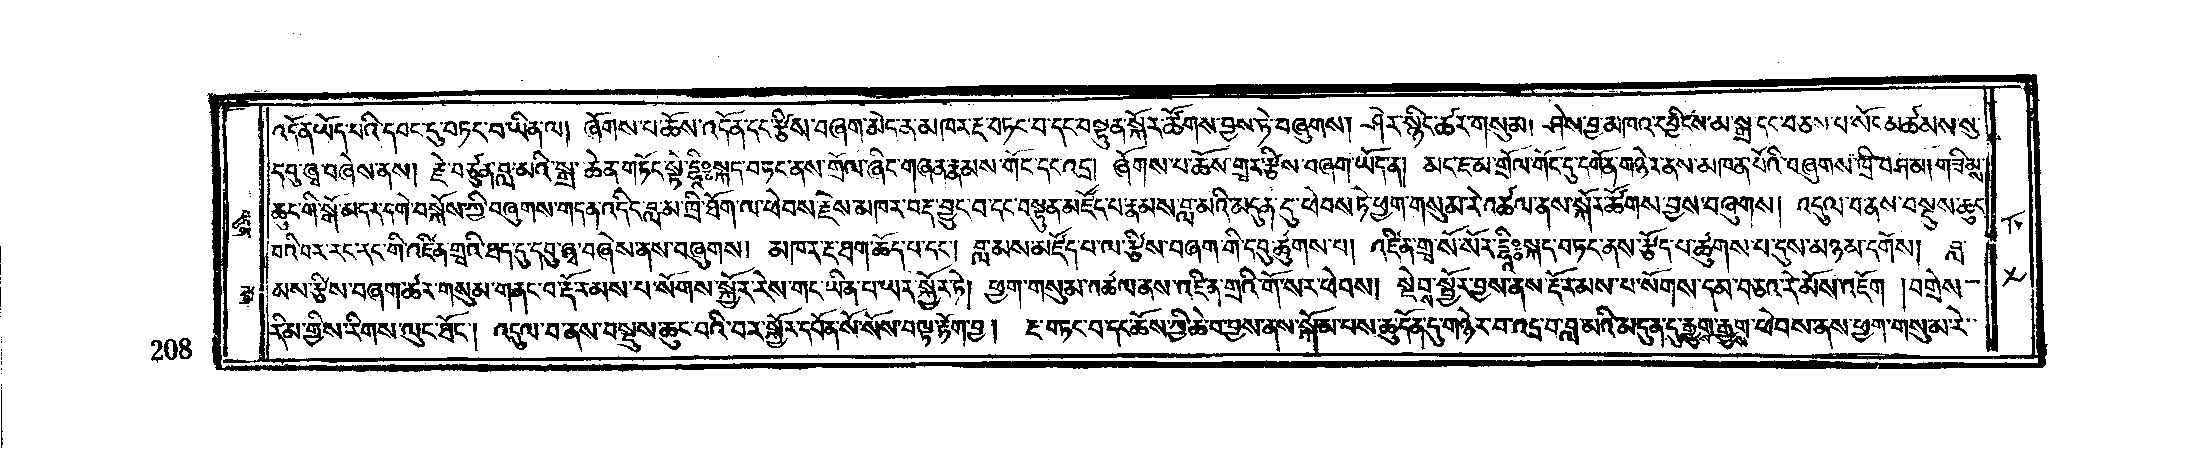འདོན་ཡོད་པའི་དབང་དུ་བཏང་བ་ཡིན་ལ། ཞོགས་པ་ཆོས་འདོན་དང་རྩིས་བཞག་མེད་ན་མཁར་རྔ་བཏང་བ་དང་བསྟུན་སྐོར་ཚོགས་བྱས་ཏེ་བཞུགས། ཤེར་སྙིང་ཚར་གསུམ། ཤེས་བྱ་མཁའ་དབྱིངས་མ་སྒྲ་དང་བཅས་པ་སོང་མཚམས་སུ་
དབུ་ཞྭ་བཞེས་ནས། རྗེ་བཙུན་བླ་མའི་སྒྲ་ཆེན་གཏོང་སྟེ་དྷཱིཿསྐད་བཏང་ནས་གྲོལ་ཞིང་གཞན་རྣམས་གོང་དང་འདྲ། ཞོགས་པ་ཆོས་གྲྭར་རྩིས་བཞག་ཡོད་ན། མང་ཇ་མ་གྲོལ་གོང་དུ་དགོན་གཉེར་ནས་མཁན་པོའི་བཞུགས་ཁྲི་བཤམ། གཟིམས་
ཆུང་གི་སྒོ་མདར་དགེ་བསྐོས་ཀྱི་བཞུགས་གདན་འདིང་བླ་མ་ཁྲི་ཐོག་ལ་ཕེབས་རྗེས་མཁར་བརྡ་བྱུང་བ་དང་བསྟུན་མཛོད་པ་རྣམས་བླ་མའི་མདུན་དུ་ཕེབས་ཏེ་ཕྱག་གསུམ་རེ་འཚལ་ནས་སྐོར་ཚོགས་བྱས་བཞུགས། འདུལ་བ་ནས་བསྡུས་ཆུང་
བའི་བར་རང་རང་གི་འཛིན་གྲྭའི་ཐད་དུ་དབུ་ཞྭ་བཞེས་ནས་བཞུགས། མཁར་རྔ་ཐག་ཆོད་པ་དང་། བླ་མས་མཛོད་པ་ལ་རྩིས་བཞག་གི་དབུ་ཚུགས་པ། འཛིན་གྲྭ་སོ་སོར་དྷཱིཿསྐད་བཏང་ནས་རྩོད་པ་ཚུགས་པ་དུས་མཉམ་དགོས། བླ་
མས་རྩིས་བཞག་ཚར་གསུམ་གནང་བ་རྡོ་རམས་པ་སོགས་སྐྱོར་རེས་གང་ཡིན་པ་ཡར་སྐྱོར་ཏེ། ཕྱག་གསུམ་འཚལ་ནས་འཛིན་གྲའི་གོ་སར་ཕེབས། སྡེབས་སྦྱོར་བྱས་ནས་རྡོ་རམས་པ་སོགས་དམ་བཅའ་རེ་མོས་འཇོག །བགྲེས་
རིམ་གྱིས་རིགས་ལུང་ཐོང་། འདུལ་བ་ནས་བསྡུས་ཆུང་བའི་བར་སྐྱོར་དབོན་སོ་སོས་བལྟ་རྟོག་བྱ། རྔ་བཏང་བ་དང་ཆོས་ཀྱི་ཆེ་བ་བྱས་ནས་སྐོམ་པས་ཆུ་དོན་དུ་གཉེར་བ་འདྲ་བ་བླ་མའི་མདུན་དུ་རྒྱུགས་རྒྱུགས་ཕེབས་ནས་ཕྱག་གསུམ་རེ་